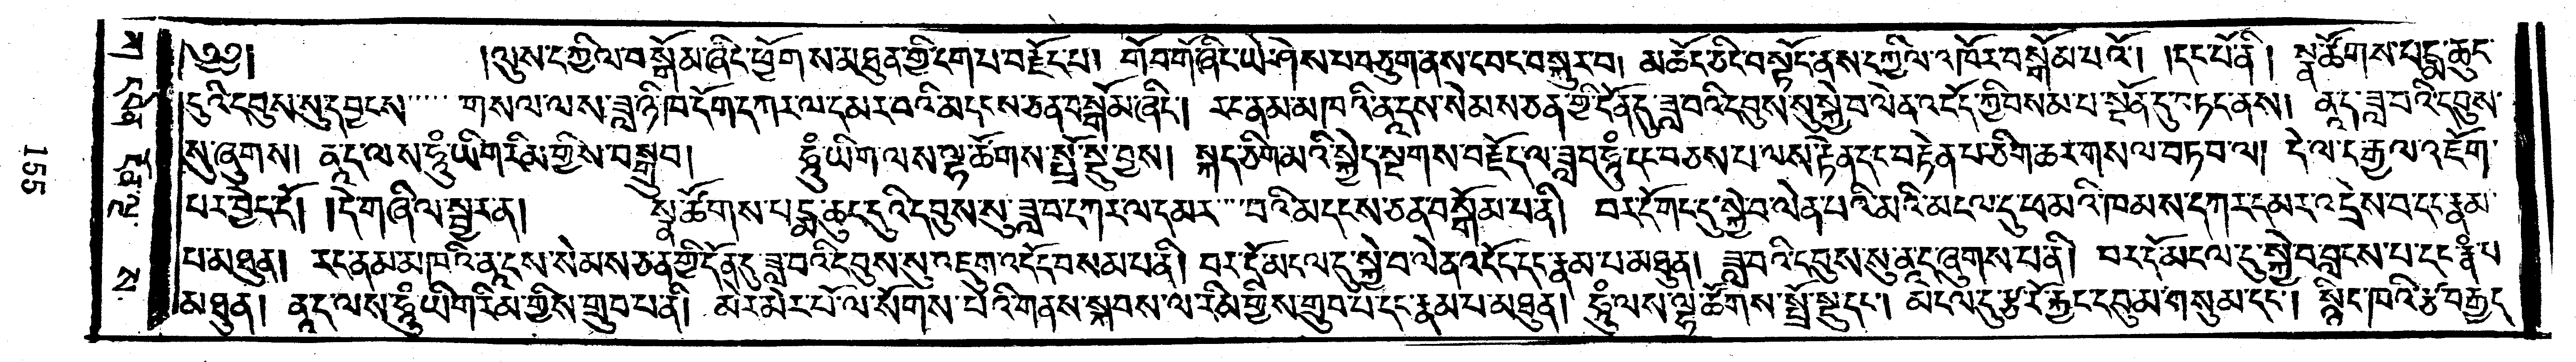༄༅། །ལུས་དཀྱིལ་བསྒོམ་ཞིང་ཕྱོགས་མཐུན་གྱི་ངག་པ་བརྗོད་པ། གོབ་གོ་ཞིང་ཡེ་ཤེས་པ་བཅུག་ནས་དབང་བསྐུར་བ། མཆོད་ཅིང་བསྟོད་ནས་དཀྱིལ་འཁོར་བསྒོམ་པའོ། །དང་པོ་ནི། སྣ་ཚོགས་པདམ་ཆུང་
དུའི་དབུས་སུ་དབྱངས་གསལ་ལས་ཟླ་ཉི་ཁ་དོག་དཀར་ལ་དམར་བའི་མདངས་ཅན་བསྒོམ་ཞིང་། རང་ནམ་མཁའི་ནཱ་དས་སེམས་ཅན་གྱི་དོན་དུ་ཟླ་བའི་དབུས་སུ་སྐྱེ་བ་ལེན་འདོད་ཀྱི་བསམ་པ་སྔོན་དུ་བཏང་ནས། ནཱ་ད་ཟླ་བའི་དབུས་
སུ་ཞུགས། ནཱ་ད་ལས་ཧཱུཾ་ཡིག་རིམ་གྱིས་བསྒྲུབ། ཧཱུཾ་ཡིག་ལས་ལྷ་ཚོགས་སྤྲོ་སྡུ་བྱས། སྐད་ཅིག་མའི་སྐྱེད་སྔགས་བརྗོད་ལ་ཟླ་བ་ཧཱུཾ་དང་བཅས་པ་ལས་རྟེན་དང་བརྟེན་པ་ཅིག་ཆར་གསལ་བཏབ་ལ། དེ་ལ་ང་རྒྱལ་འཇོག་
པར་བྱེད་དོ། །དེ་གཞི་ལ་སྦྱར་ན། སྣ་ཚོགས་པདམ་ཆུང་དུའི་དབུས་སུ་ཟླ་བ་དཀར་ལ་དམར་བའི་མདངས་ཅན་བསྒོམ་པ་ནི། བར་དོ་གང་དུ་སྐྱེ་བ་ལེན་པའི་མའི་མངལ་དུ་ཕ་མའི་ཁམས་དཀར་དམར་འདྲེས་བ་དང་རྣམ་
པ་མཐུན། རང་ནམ་མཁའི་ནཱ་དས་སེམས་ཅན་གྱི་དོན་དུ་ཟླ་བའི་དབུས་སུ་འཇུག་འདོད་བསམ་པ་ནི། བར་དོ་མངལ་དུ་སྐྱེ་བ་ལེན་འདོད་དང་རྣམ་པ་མཐུན། ཟླ་བའི་དབུས་སུ་ནཱ་ད་ཞུགས་པ་ནི། བར་དོ་མངལ་དུ་སྐྱེ་བ་བླངས་པ་དང་རྣཾ་པ་
མཐུན། ནཱ་ད་ལས་ཧཱུཾ་ཡིག་རིམ་གྱིས་གྲུབ་པ་ནི། མེར་མེར་པོ་ལ་སོགས་པའི་གནས་སྐབས་ལྔ་རིམ་གྱིས་གྲུབ་པ་དང་རྣམ་པ་མཐུན། ཧཱུཾ་ལས་ལྷ་ཚོགས་སྤྲོ་སྡུ་དང་། མངལ་དུ་རྩ་རོ་རྐྱང་དབུ་མ་གསུམ་དང་། སྙིང་ཁའི་རྩ་བརྒྱད་